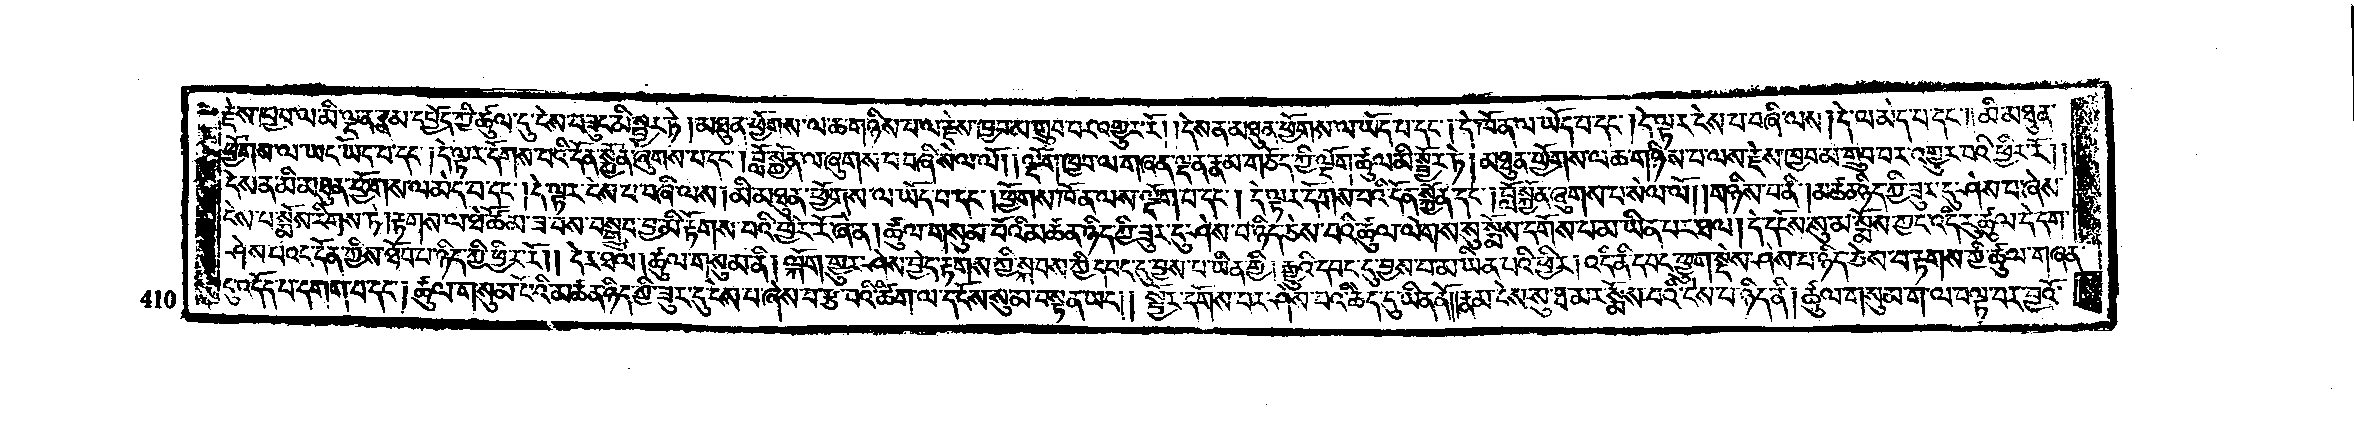རྗེས་ཁྱབ་ལ་མི་ལྡན་རྣམ་དཔྱོད་ཀྱི་ཚུལ་དུ་ངེས་བཟུང་མི་སྦྱར་ཏེ། མཐུན་ཕྱོགས་ལ་ཆ་གཉིས་པ་ལ་གཉིས་པ་ལ་རྗེས་ཁྱབ་མ་གྲུབ་པར་འགྱུར་རོ། །དེས་ན་མཐུན་ཕྱོགས་ལ་ཡོད་པ་དང་། དེ་ཁོ་ན་ལ་ཡོད་པ་དང་། དེ་ལྟར་ངེས་པ་བཞི་ལས། དེ་ལ་མེད་པ་དང་། མི་མཐུན་
ཕྱོགས་ལ་ཡང་ཡོད་པ་དང་། དེ་ལྟར་དོགས་པའི་དོན་སྐྱོན་ཞུགས་པ་དང་། བློ་སྐྱོན་ལ་ཞུགས་པ་བཞི་སེལ་ལོ། །ལྡོག་ཁྱབ་ལ་གཞན་ལྡན་རྣམ་གཅོད་ཀྱི་ལྡོག་ཚུལ་མི་སྦྱོར་ཏེ། མཐུན་ཕྱོགས་ལ་ཆ་གཉིས་པ་ལས་རྗེས་ཁྱབ་མ་གྲུབ་པར་འགྱུར་པའི་ཕྱིར་རོ། །
དེས་ན་མི་མཐུན་ཕྱོགས་ལ་མེད་པ་དང་། དེ་ལྟར་ངེས་པ་བཞི་ལས། མི་མཐུན་ཕྱོགས་ལ་ཡོད་པ་དང་། ཕྱོགས་ཁོ་ན་ལས་ལྡོག་པ་དང་། དེ་ལྟར་དོགས་པའི་དོན་སྐྱོན་དང་། བློ་སྐྱོན་ཞུགས་པ་སེལ་ལོ། །གཉིས་པ་ནི། མཚན་ཉིད་ཀྱི་ཟུར་དུ་ཤེས་པ་ཞེས་
ངེས་པ་སྨོས་རིགས་ཏེ། རྟགས་ལ་ཐེ་ཚོམ་ཟ་བས་བསྒྲུབ་བྱ་མི་རྟོགས་པའི་ཕྱིར་རོ་ཞེ་ན། ཚུལ་གསུམ་པོའི་མཚན་ཉིད་ཀྱི་ཟུར་དུ་ཤེས་པ་ཉིད་ཅེས་པའི་ཚུལ་ལེགས་སུ་སྨོས་དགོས་པ་མ་ཡིན་པར་ཐལ། དེ་དངོས་སུ་མ་སྨོས་ཀྱང་འདི་རུ་ཚུལ་དེ་དག་
ཤེས་པའང་དོན་ཀྱིས་ཐོབ་པ་ཉིད་ཀྱི་ཕྱིར་རོ། །དེར་ཐལ། ཚུལ་གསུམ་ནི། ལྐོག་གྱུར་ཤེས་བྱེད་རྟགས་ཀྱི་སྐབས་ཀྱི་དབང་དུ་བྱས་པ་ཡིན་གྱི། རྒྱུའི་དབང་དུ་བྱས་པ་མ་ཡིན་པའི་ཕྱིར། འདི་ནི་དབང་ཕྱུག་སྡེ་ཤེས་པ་ཉིད་ཅེས་བ་རྟས་ཀྱི་ཚུལ་གཞན་
དུ་འདོད་པ་དགག་པ་དང་། ཚུལ་གསུམ་པོའི་མཚན་ཉིད་ཀྱི་ཟུར་དུ་ངེས་པ་ཞེས་པ་རྩ་བའི་ཚིག་ལ་དངོས་སུ་བསྟན་ཡང་། །སྦྱོར་དགོས་པར་ཤེས་པའི་ཚིད་དུ་ཡིན་ནོ། །རྣམ་ངེས་སུ་ཐ་མར་སྨོས་པའི་ངེས་པ་ཉིད་ནི། ཚུལ་གསུམ་ག་ལ་བལྟ་བར་བྱའོ་